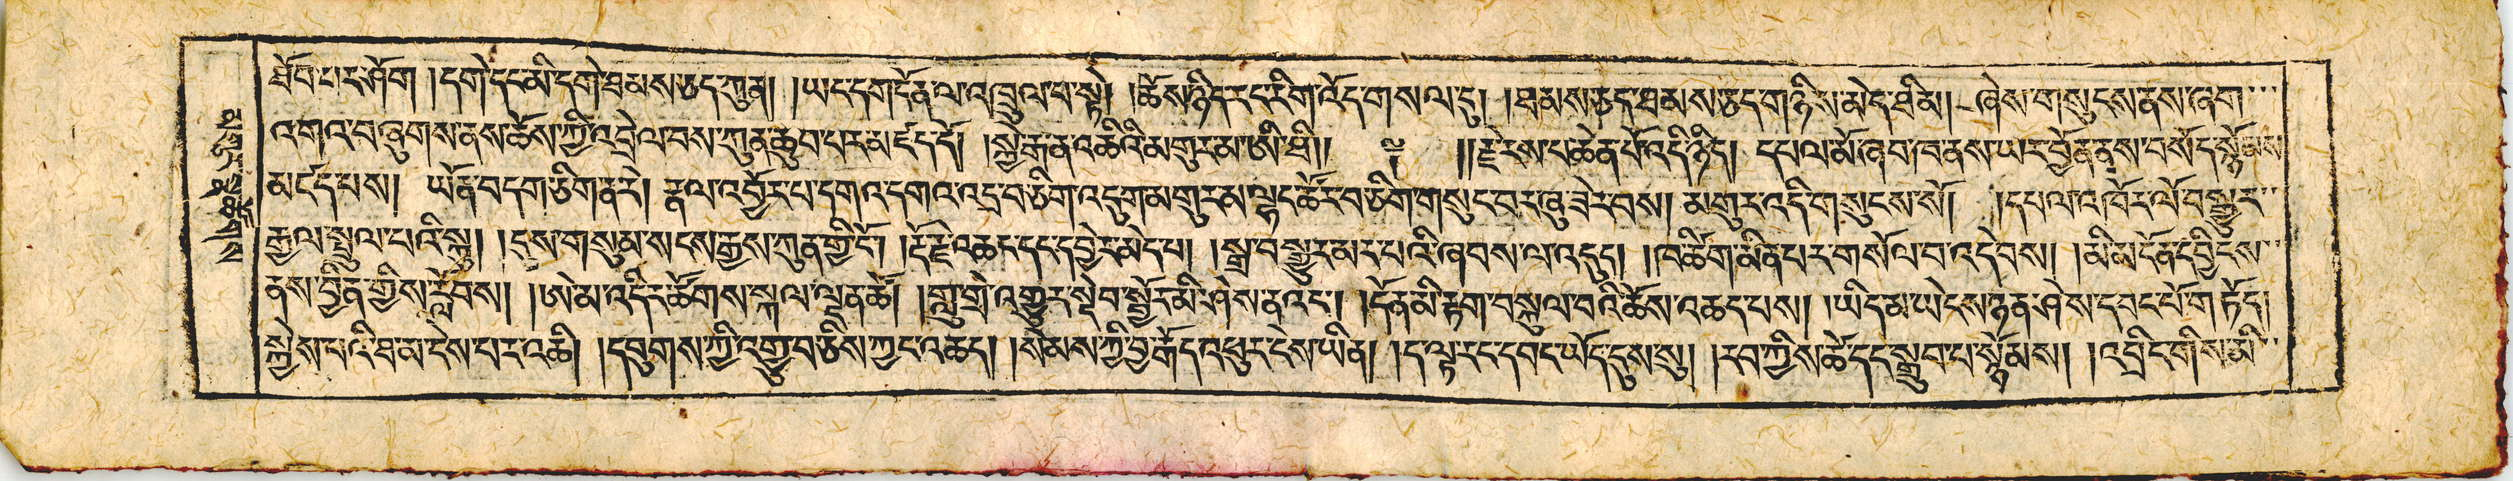ཐོབ་པར་ཤོག །དགེ་དང་མི་དགེ་ཐམས་ཅད་ཀུན། །ཡང་དག་དོན་ལ་འཁྲུལ་པ་སྟེ། །ཆོས་ཉིད་རང་རིག་འོད་གསལ་དུ། །ཐམས་ཅད་ཐམས་ཅད་གཉིས་མེད་ཐིམ། །ཞེས་གསུངས་ནས་ཞག་
འགའ་བཞུགས་ནས་ཆོས་ཀྱི་འབྲེལ་བས་ཀུན་ཆུབ་པར་མཛད་དོ། །སྐྱེ་རྒ་ན་འཆིའི་མགུར་མ་ཨི་ཐི། །རྗེ་རས་པ་ཆེན་པོ་འདི་ཉིད། དཔལ་མོ་ཞབ་ཁ་ནས་ཡར་བྱོན་དུས་བསོད་སྙོམས་
མཛད་པས། ཡོན་བདག་ཅིག་ན་རེ། རྣལ་འབྱོར་པ་དགའ་དགའ་འདྲ་བ་ཅིག་འདུག་མགུ་རམ་ལྟང་ཚོར་བ་ཅིག་གསུང་བར་ཞུ་ཟེར་བས། མགུར་འདི་གསུངས་སོ། །དཔལ་འཁོར་ལོ་བསྒྱུར་
རྒྱལ་སྤྲུལ་པའི་སྐུ། །དུས་གསུམ་སངས་རྒྱས་ཀུན་གྱི་ངོ་། །རྡོ་རྗེ་འཆང་དང་དབྱེང་མེད་པ། །སྒྲ་བསྒྱུར་མར་པའི་ཞབས་ལ་འདུད། །ཁ་ཚིག་མིན་པར་གསོལ་བ་འདེབས། །མི་མངོན་དབྱིངས་
ནས་བྱིན་གྱིས་རློབས། །ཨེ་མ་འདིར་ཚོགས་སྐལ་ལྡན་ཚོ། །གླུ་གྲེ་འགྱུར་སྡེབ་སྦྱོར་མི་ཤེས་ནའང་། །དོན་མི་རྟག་བསྐལ་བའི་ཆོས་འཆད་པས། །ཡིད་མ་ཡེངས་ཉན་ཤེས་དབང་པོ་གཏོད། །
སྐྱེས་པའི་ཐ་མ་ངེས་པར་འཆི། །དབུགས་ཀྱི་འགྱུ་བ་ཅིས་ཀྱང་འཆད། །སེམས་ཀྱི་བྱ་རྒོད་འཕུར་ངེས་ཡིན། །ད་ལྟ་རང་དབང་ཡོད་དུས་སུ། །རབ་ཀྱིས་ཚེ་དང་སྒྲུབ་པ་སྙོམས། །འབྲིང་གིས་མི་